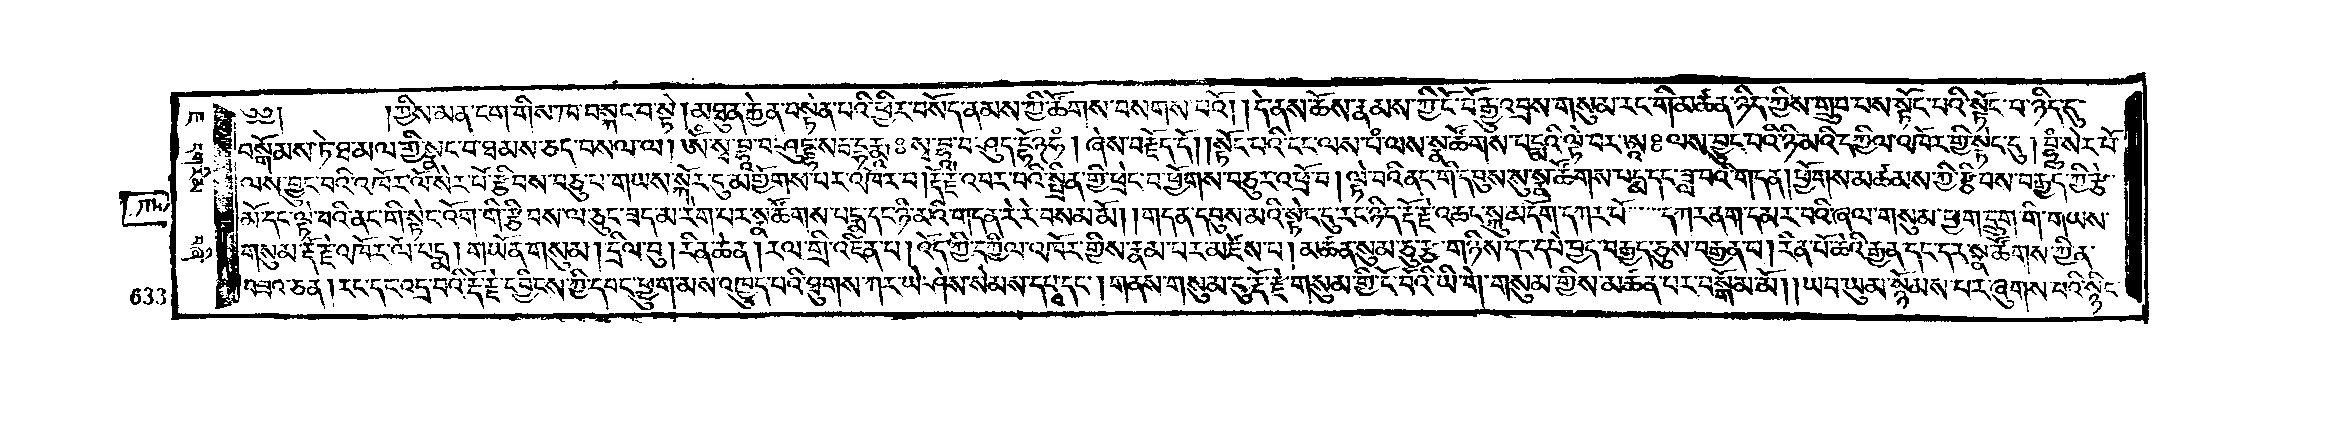༄༅། །ཀྱིས་མན་ངག་གིས་ཁ་བསྐང་བ་སྟེ། མཐུན་རྐྱེན་བསྟེན་པའི་ཕྱིར་བསོད་ནམས་ཀྱི་ཚོགས་བསགས་པའོ། །དེ་ནས་ཆོས་རྣམས་ཀྱི་ངོ་བོ་རྒྱུ་འབྲས་གསུམ་རང་གི་མཚན་ཉིད་ཀྱིས་གྲུབ་པས་སྟོང་པའི་སྟོང་པ་ཉིད་དུ་
བསྒོམས་ཏེ་ཐ་མལ་གྱི་སྣང་བ་ཐམས་ཅད་བསལ་ལ། ཨོཾ་སྭ་བྷཱ་བ་ཤུདྡྷ་སརྦ་དྷརྨཱཿ སྭ་བྷཱ་བ་ཤུད་དྷོ་ཉྷཾ། ཞེས་བརྗོད་དོ། །སྟོང་པའི་ངང་ལས་པཾ་ལས་སྣ་ཚོགས་པདམའི་ལྟེ་བར་ཨཱཿ ལས་བྱུང་བའི་ཉི་མའི་དཀྱིལ་འཁོར་གྱི་སྟེང་དུ། བྷྲུཾ་སེར་པོ་
ལས་བྱུང་བའི་འཁོར་ལོ་སེར་པོ་རྩིབས་བཅུ་པ་གཡས་སྐོར་དུ་མགྱོགས་པར་འཁོར་བ། རྡོ་རྗེ་འབར་བའི་སྤྲིན་གྱི་ཕྲེང་བ་ཕྱོགས་བཅུར་འཕྲོ་བ། ལྟེ་བའི་ནང་གི་དབུས་སུ་སྣ་ཚོགས་པདམ་དང་ཟླ་བའི་གདན། ཕྱོགས་མཚམས་ཀྱི་རྩིབས་བརྒྱད་ཀྱི་རྩེ་
མོ་དང་ལྟེ་བའི་ནང་གི་སྟེང་འོག་གི་རྩིབས་ལ་ཅུང་ཟད་མ་རེག་པར་སྣ་ཚོགས་པདམ་དང་ཉི་མའི་གདན་རེ་རེ་བསམ་མོ། །གདན་དབུས་མའི་སྟེང་དུ་རང་ཉིད་རྡོ་རྗེ་འཆང་སྐུ་མདོག་དཀར་པོ་དཀར་ནག་དམར་བའི་ཞལ་གསུམ་ཕྱག་དྲུག་གི་གཡས་
གསུམ་རྡོ་རྗེ་འཁོར་ལོ་པདམ། གཡོན་གསུམ། དྲིལ་བུ། རིན་ཆེན། རལ་གྲི་འཛིན་པ། འོད་ཀྱི་དཀྱིལ་འཁོར་གྱིས་རྣམ་པར་མཛེས་པ། མཚན་སུམ་ཅུ་རྩ་གཉིས་དང་དཔེ་བྱད་བརྒྱད་ཅུས་བརྒྱན་པ། རིན་པོ་ཆེའི་རྒྱན་དང་དར་སྣ་ཚོགས་ཀྱི་ན་
བཟའ་ཅན། རང་དང་འདྲ་བའི་རྡོ་རྗེ་དབྱིངས་ཀྱི་དབང་ཕྱུག་མས་འཁྱུད་པའི་ཐུགས་ཀར་ཡེ་ཤེས་སེམས་དཔའ་དང་། གནས་གསུམ་དུ་རྡོ་རྗེ་གསུམ་གྱི་ངོ་བོའི་ཡི་གེ་གསུམ་གྱིས་མཚན་པར་བསྒོམ་མོ། །ཡབ་ཡུམ་སྙོམས་པར་ཞུགས་པའི་སྙིང་